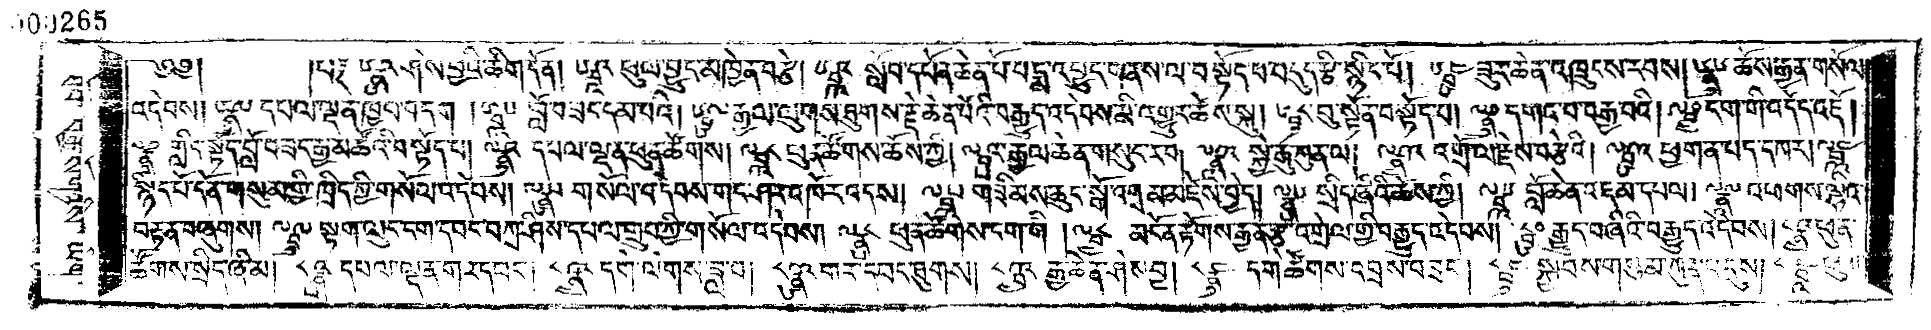༄༅། །པ༑ ༦༢ན༦་ཤེས་བྱའི་ཚིག་དོན། ༦༢བ༢་ཕུལ་བྱུང་མཁྱེན་བརྩེ། ༦༢བ༣་སློབ་དཔོན་ཆེན་པོ་པདམ་འབྱུང་གནས་ལ་བསྟོད་པ་བདུད་རྩི་སྙིང་པོ། ༦༤བ༦་ཟུར་ཆེན་འཁྲུངས་རབས། ༦༦ན༡་ཆོས་རྒྱན་གསོལ་
འདེབས། ༦༧ན༡་དཔལ་ལྡན་ཁྱབ་བདག །༦༥བ༣་བློ་བཟང་དམ་པའི། ༦༧བ༦་རྒྱལ་ལུགས་ཐུགས་རྗེ་ཆེན་པོའི་བརྒྱུད་འདེབས་མི་འགྱུར་ཆོས་སྐུ། ༦༨བ༡་བུ་སྟོན་བསྟོད་པ། ༧༠ན༡་དགའ་བ་བརྒྱ་བའི། ༧༠བ༤་ངག་གི་འདོད་འཇོ།
༦༡ན༢་གླིང་སྟོད་བློ་བཟང་རྒྱ་མཚོའི་བསྟོད་པ། ༧༢ན༡་དཔལ་ལྡན་ཕུན་ཚོགས། ༧༨བ༣་ཕུན་ཚོགས་ཆོས་ཀྱི། ༧༢བ༥་རྒྱལ་ཆེན་གསུང་རབ། ༦༣ན༢་སྐྱེ་རྒུ་ཀུན་ལ། ༦༣ན༤་འགྲོ་ལ་རྗེས་བརྩེའི། ༦༣བ༦་ཕྱག་ན་པད་དཀར། ༦༤བ༣
སྙིང་པོ་དོན་གསུམ་གྱི་ཁྲིད་ཀྱི་གསོལ་འདེབས། ༦༥ན༦་གསོལ་འདེབས་གང་ཤར་འཁོར་འདས། ༦༥བ༣་གཟིམས་ཆུང་སྒོ་འགྲམ་མཛེས་བྱེད། ༧༦ན༥་སྲིད་ཞིའི་ཆོས་ཀྱི། ༧༦བ༣་བློ་ཆེན་འཇམ་དཔལ། ༧༧ན༢་འཕགས་ལྷའི་
བརྟན་བཞུགས། ༧༧བ༡་སྟག་ལུང་ངག་དབང་བཀྲ་ཤིས་དཔལ་གྲུབ་ཀྱི་གསོལ་འདེབས། ༧༨ན༥་ཕུན་ཚོགས་ངག་གི། ༧༨བ༤་མངོན་རྟོགས་རྒྱན་རྩ་འགྲེལ་གྱི་བརྒྱུད་འདེབས། ༨༠བ༦་རྒྱུད་བཞིའི་བརྒྱུད་འདེབས། ༨༢ན༤་ཕུན་
ཚོགས་སྲིད་ཞི་མ། ༨༢ན༥་དཔལ་ལྡན་གར་དབང་། ༨༣ན༤་དགེ་ལེགས་ཟླ་བ། ༨༣ན༦་གར་དབང་ཐུགས། ༨༣བ༤་རྒྱ་ཆེན་ཤེས་བྱ། ༨༤ན༡་དགེ་ཚེགས་འབྲས་བཟང་། ༨༤བ༡་སྐྱབས་གསུམ་ཀུན་འདུས། ༨༤བ༢་ཕུལ་